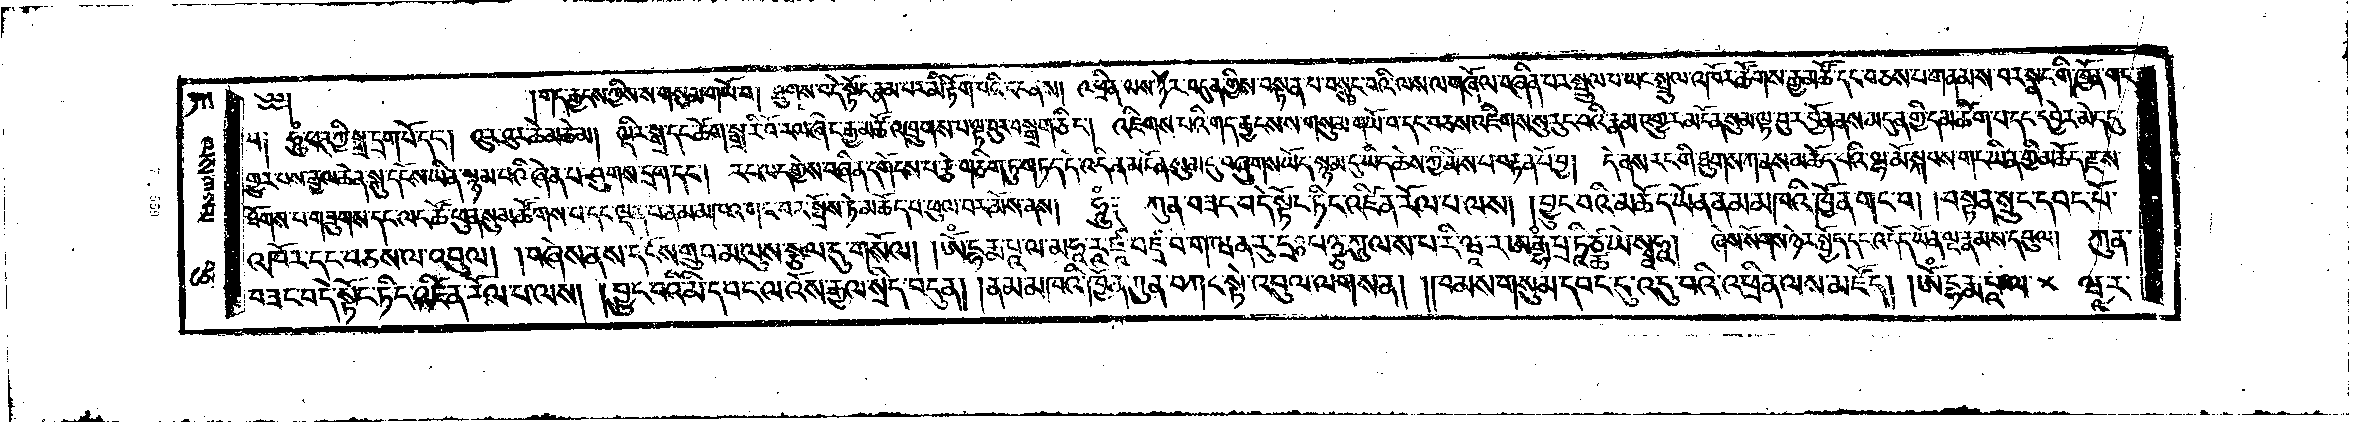༄༅། །གད་རྒྱངས་ཀྱིས་ས་གསུམ་གསོ་པ། ཐུགས་བདེ་སྟོང་རྣམ་པར་མི་རྟོག་པའི་ངང་ནས། འཕྲིན་ལས་ཉེར་བདུན་གྱིས་བསྟན་པ་བསྲུང་པའི་ལས་ལ་གཞོལ་བཞིན་པར་སྤྲུལ་པ་ཡང་སྤྲུལ་འཁོར་ཚོགས་རྒྱ་མཚོ་དང་བཅས་པ་གནམས་བར་སྣང་གི་ཁྱོན་གང་
བ༑ ཧཱུཾ་ཕཊ་ཀྱི་སྒྲ་དྲག་པོ་དང་། འུར་འུར་ཆེམ་ཆེམ། ལྡིར་སྒྲ་དང་ཚིག་སྒྲ་རི་བོ་རལ་ཞིང་རྒྱ་མཚོ་འཁྲུགས་པ་ལྟ་བུར་བསྒྲག་ཅིང་། འཇིགས་པའི་གད་རྒྱངས་ས་གསུམ་གཡོ་བ་དང་བཅས་འཇིགས་སུ་རུང་བའི་རྣམ་འགྱུར་མངོན་སུམ་ལྟ་བུར་བྱོན་ནས་མདུན་གྱི་དམ་ཚིག་པ་དང་དབྱེར་མེད་དུ་
གྱུར་པས་རྒྱལ་ཆེན་སྐུ་དངོས་ཡིན་སྙམ་པའི་ཞེན་པ་ཤུགས་དྲག་དང་། རང་ལ་དགྱེས་བཞིན་དགོངས་བ་རྩེ་གཅིག་ཏུ་གཏད་དེ་འདི་ན་མངོན་སུམ་དུ་བཞུགས་ཡོད་སྙམ་དུ་ཡིད་ཆེས་ཀྱི་མོས་པ་བརྟན་པོ་བྱ། དེ་ནས་རང་གི་ཐུགས་ཀ་ནས་མཆོད་པའི་ལྷ་མོ་སྐབས་གང་ཡིན་གྱི་མཆོད་རྫས་
ཐོགས་པ་གཟུགས་དང་ལ་ང་ཚོ་ཕུན་སུམ་ཚོགས་པ་དང་ལྡན་པ་ནམ་མཁའ་གང་བར་སྤྲོས་ཏེ་མཆོད་པ་ཕུལ་བར་མོས་ནས། ཧཱུཾ༑ ཀུན་བཟང་བདེ་སྟོང་ཏིང་འཛིན་རོལ་པ་ལས། །བྱུང་བའི་མཆོད་ཡོན་ནམ་མཁའི་ཁྱོན་གང་བ། །བསྟན་སྲུང་དབང་པོ་
འཁོར་དང་བཅས་ལ་འབུལ། །བཞེས་ནས་དངོས་གྲུབ་མ་ལུས་སྩལ་དུ་གསོལ། །ཨོཾ་དྷརྨ་བཱ་ལ་མཧཱ་རཱ་ཛཱ་བཛྲ་བེ་ག་ཝན་རུ་དྲཿཔཉྩ་ཀུ་ལས་པ་རི་ཝཱ་ར་ཨརྒྷཾ་པྲ་ཏཱིཙྪ་ཡེ་སྭཱ་ཧཱ། ཞེས་སོགས་ཉེར་སྤྱོད་དང་འདོད་ཡོན་ལྔ་རྣམས་དབུལ།  ཀུན་
བཟང་བདེ་སྟོང་ཏིང་འཛིན་རོལ་པ་ལས། །བྱུང་བའི་མི་དབང་ལ་འོས་རྒྱལ་སྲིད་བདུན། །ནམ་མཁའི་ཁྱོན་ཀུན་བཀང་སྟེ་འབུལ་ལགས་ན། །ཁམས་གསུམ་དབང་དུ་འདུ་བའི་འཕྲིན་ལས་མཛོད། །ཨོཾ་དྷརྨ་པཱ་ལ་྾་ཝཱ་ར་